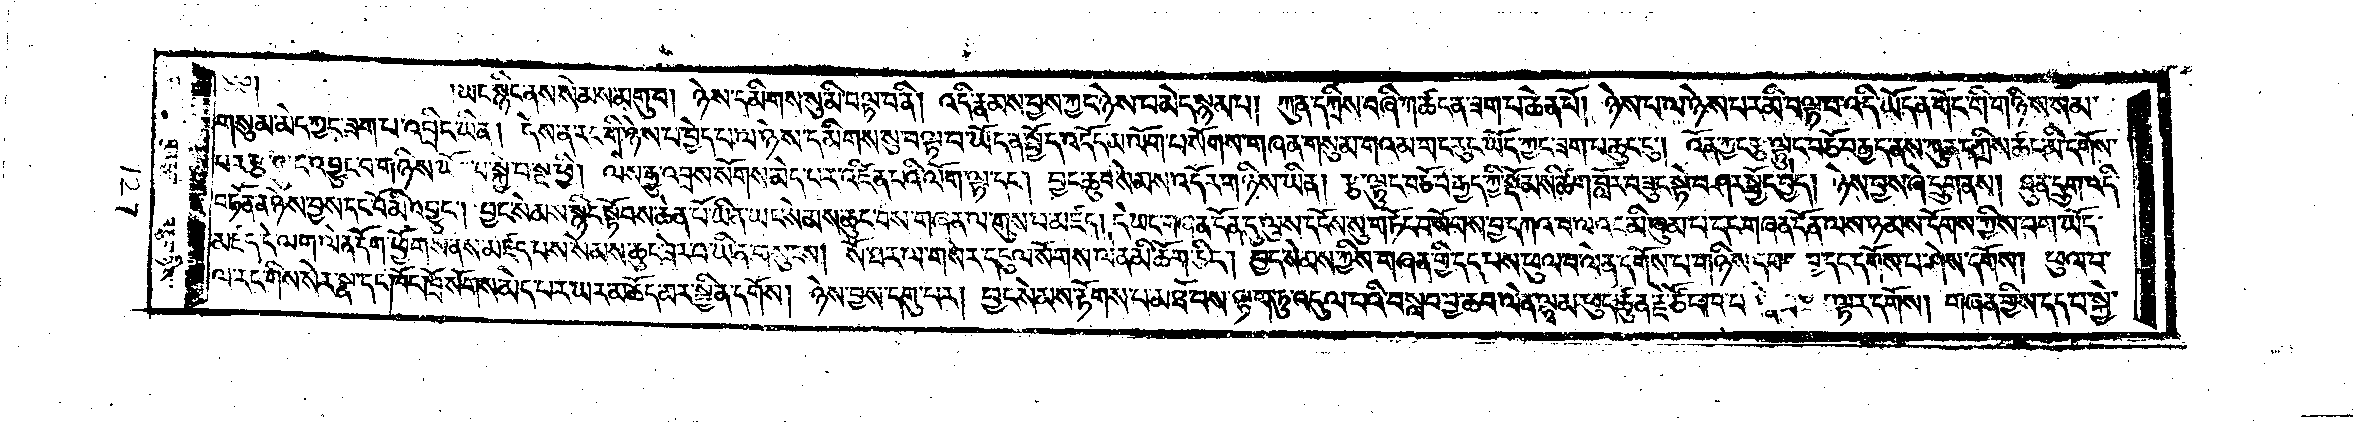༄༅། །ཡང་སྙིང་ནས་སེམས་མགུ་པ། ཉེས་དམིགས་སུ་མི་བལྟ་བ་ནི། འདི་རྣམས་བྱས་ཀྱང་ཉེས་པ་མེད་སྙམ་པ། ཀུན་དཀྲིས་བཞི་ཀ་ཚང་ན་ཟག་པ་ཆེན་པོ། ཉེས་པ་ལ་ཉེས་པར་མི་བལྟ་བ་འདི་ཡོད་ན་གོང་གི་གཉིས་སམ་
གསུམ་མེད་ཀྱང་ཟག་པ་འབྲིང་ཡིན། དེས་ན་རང་གིས་ཉེས་པ་བྱེད་པ་ལ་ཉེས་དམིགས་སུ་བལྟ་བ་ཡོད་ན་སྤྱོད་འདོད་མ་ལོག་པ་སོགས་གཞན་གསུམ་གའམ་གང་རུང་ཡོད་ཀྱང་ཟག་པ་ཆུང་ངུ། འོན་ཀྱང་རྩ་ལྟུང་བཅོ་བརྒྱད་ནས་ཀུན་དཀྲིས་ཚང་མི་དགོས་
པར་རྩ་ལྟུང་འབྱུང་བ་གཉིས་ཡོད་པ་སྐྱེ་བ་སྔ་ཕྱི། ལས་རྒྱུ་འབྲས་སོགས་མེད་པར་འཛིན་པའི་ལོག་ལྟ་དང་། བྱང་ཆུབ་སེམས་འདོར་གཉིས་ཡིན། རྩ་ལྟུང་བཅོ་བརྒྱད་ཀྱི་སྡོམས་ཚིག་བློར་བཟུང་སྟེ་བཤར་སྦྱོང་བྱེད། ཉེས་བྱས་ཞེ་དྲུག་ནས། ཐུན་དྲུག་འདི་
བཏོན་ན་ཉེས་བྱས་དང་པོ་མི་འབྱུང་། བྱང་སེམས་སྙིང་སྟོབས་ཆེན་པོ་ཡིན་ཡང་སེམས་ཆུང་བས་གཞན་ལ་གུས་པ་མཛད། དེ་ཡང་གཞན་དོན་དུ་ལུས་དངོས་སུ་གཏོང་བ་སོགས་བྱ་དཀའ་བ་ལའང་མི་ཞུམ་པ་དང་གཞན་དོན་ལས་ཉམས་དོགས་ཀྱིས་བག་ཡོད་
མཛད་དེ་ལག་ལེན་དོག་ཕྱོགས་ནས་མཛད་པས་སེམས་ཆུང་ཟེར་བ་ཡིན་གསུངས། སོ་ཐར་ལ་གསེར་དངུལ་སོགས་ལེན་མི་ཆོག་ཅིང་། བྱང་སེམས་ཀྱིས་གཞན་གྱི་དད་པས་ཕུལ་བ་ལེན་དགོས་པ་གཉིས་དགག་བྱ་དང་དགོས་པ་ཤེས་དགོས། ཕུལ་བ་
ལ་རང་གིས་སེར་སྣ་དང་ཁོང་ཁྲོ་སོགས་མེད་པར་ཡར་མཆོད་མར་སྦྱིན་དགོས། ཉེས་བྱས་དགུ་པར། བྱང་སེམས་རྟོགས་པ་མཐོ་བས་ལྷག་ཏུ་འདུལ་བའི་བསླབ་བྱ་ཆབ་ལེན་ལྷམ་ཕུད་ཚུན་རྗེ་ཙོང་ཁ་པའི་རྣམ་ཐར་ལྟར་དགོས། གཞན་གྱིས་དད་པ་སྐྱེ་